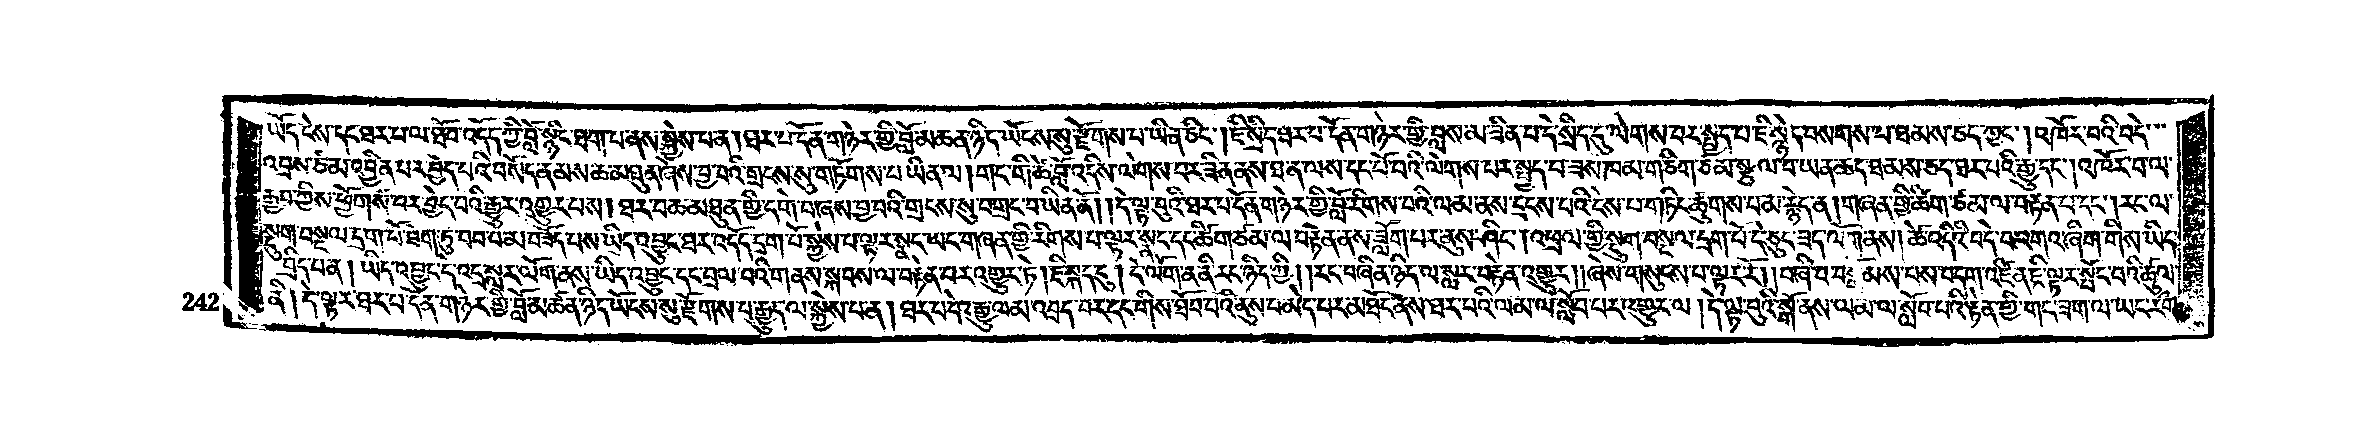ཡོད་ངེས་དང་ཐར་པ་ལ་ཐོབ་འདོད་ཀྱི་བྲོ་སྙིང་ཐག་པ་ནས་སྐྱེས་པ་ན། ཐར་པ་དོན་གཉེར་གྱི་བློ་མཚན་ཉིད་ཡོངས་སུ་རྫོགས་པ་ཡིན་ཅིང་།ཇི་སྲིད་ཐར་པ་དོན་གཉེར་གྱི་བློས་མ་ཟིན་པ་དེ་སྲིད་དུ་ལེགས་པར་སྤྱད་པ་ཇི་སྙེད་བསགས་པ་ཐམས་ཅད་ཀྱང་།འཁོར་བའི་བདེ་
འབྲས་ཙམ་འབྱིན་པར་བྱེད་པའི་བསོད་ནམས་ཆ་མཐུན་ཞེས་བྱ་བའི་གྲངས་སུ་གཏོགས་པ་ཡིན་ལ། གང་གི་ཚེ་བློ་འདིས་ལེགས་པར་ཟིན་ནས་ཐ་ན་ལས་དང་པོ་བའི་ལེགས་པར་སྤྱད་པ་ཟས་ཁམ་གཅིག་ཙམ་སྩལ་བ་ཡན་ཆད་ཐམས་ཅད་ཐར་པའི་རྒྱུ་དང་།འཁོར་བ་ལ་
རྒྱབ་ཀྱིས་ཕྱོགས་པར་བྱེད་པའི་རྒྱུར་འགྱུར་པས། ཐར་པ་ཆ་མཐུན་གྱི་དགེ་བ་ཞས་བྱ་བའི་གྲངས་སུ་བགྲང་བ་ཡིན་ནོ། །དེ་ལྟ་བུའི་ཐར་པ་དོན་གཉེར་གྱི་བློ་རིགས་པའི་ལམ་ནས་དྲངས་པའི་ངེས་པ་གཏིང་ཚུགས་པ་མ་རྙེད་ན། གཞན་གྱི་ཚིག་ཙམ་ལ་བརྟེན་པ་དང་།རང་ལ་
སྡུག་བསྔལ་དྲག་པོ་ཐོག་ཏུ་བབ་པ་མ་བཟོད་པས་ཡིད་འབྱུང་ཐར་འདོད་དྲག་པོ་སྐྱེས་པ་ལྟར་སྣང་ཡང་གཞན་གྱི་རིགས་པ་ལྟར་སྣང་དང་ཚིག་ཙམ་ལ་བརྟེན་ནས་ཟློག་པར་ནུས་ཤིང་།འཕྲལ་གྱི་སྡུག་བསྔལ་དྲག་པོ་དེ་ཅུང་ཟད་ལོག་ནས། ཚེ་འདིའི་བདེ་བ་འགའ་ཞིག་གིས་ཡིད་
བྲིད་པ་ན། ཡིད་འབྱུང་དེ་འདྲ་སླར་ལོག་ནས་ཡིད་འབྱུང་དང་བྲལ་བའི་གནས་སྐབས་ལ་བརྟེན་པར་འགྱུར་ཏེ། ཇི་སྐད་དུ། དེ་ལོག་ན་ནི་རང་ཉིད་ཀྱི། །རང་བཞིན་ཉིད་ལ་སླར་བརྟེན་འགྱུར། །ཞེས་གསུངས་པ་ལྟར་རོ། །བཞི་པ་བསྒོམས་པས་བདག་འཛིན་ཇི་ལྟར་སྤོང་བའི་ཚུལ་
ནི། དེ་ལྟར་ཐར་པ་དོན་གཉེར་གྱི་བློ་མཚན་ཉིད་ཡོངས་སུ་རྫོགས་པ་རྒྱུད་ལ་སྐྱེས་པ་ན། ཐར་པ་དེའི་རྒྱུ་ལམ་འབད་བར་དང་གིས་ཐོབ་པའི་ནུས་པ་མེད་པར་མཐོང་ནས་ཐར་པའི་ལམ་ལ་སློབ་པར་འགྱུར་ལ། དེ་ལྟ་བུའི་སྒོ་ནས་ལམ་ལ་སློབ་པའི་རྟེན་གྱི་གང་ཟག་ལ་ཡང་རིགས་